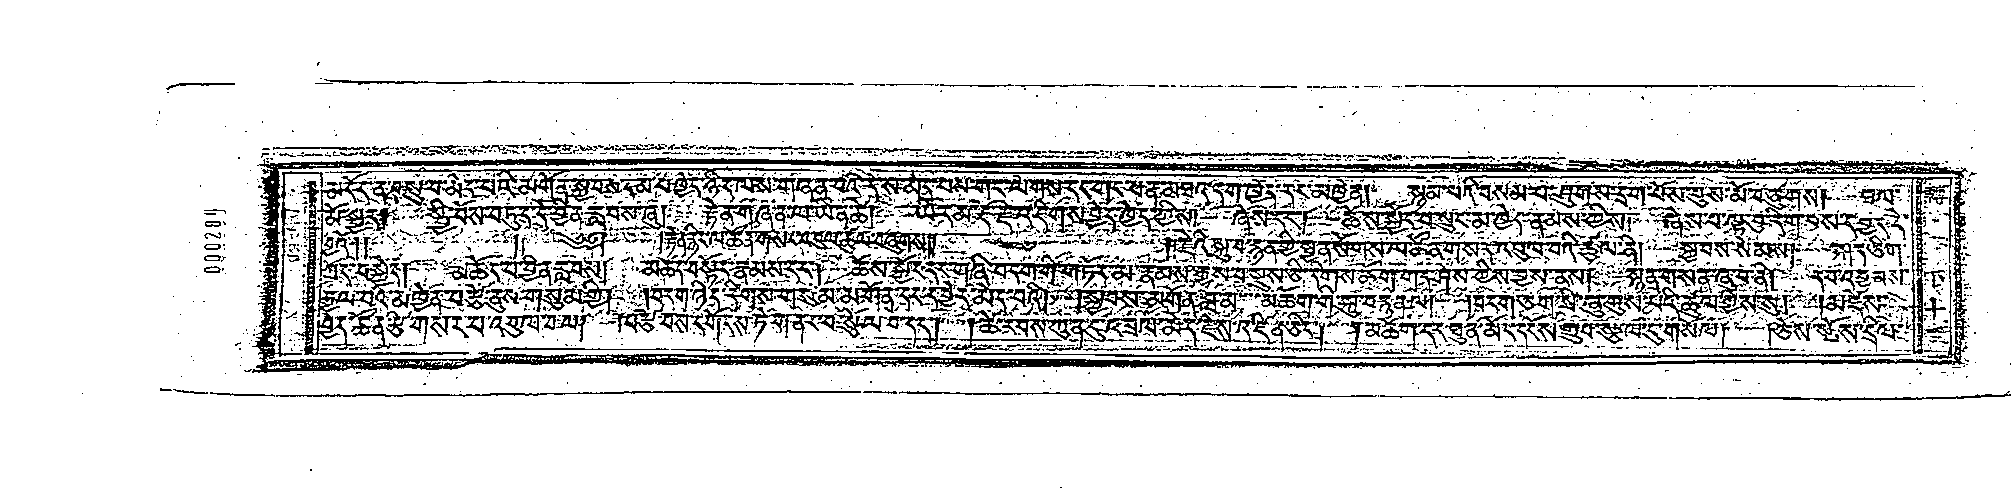མདོར་ན་བསླུ་བ་མེད་པའི་མགོན་སྐྱབས་དམ་པ་ཁྱེད་ཉིད་ལས་གཞན་པའི་དེ་ས་མེད་པས་གང་ལེགས་དང་གང་ཕན་མཐའ་དག་ཁྱེད་རང་མཁྱེན། སྙམ་པའི་བསམ་པ་ཤུགས་དྲག་པོས་པུས་མོ་བཙུགས། ཐལ་
མོ་སྦྱར། སྤྱི་བོས་བཏུད་དེ་བྱིན་རླབས་ཞུ། རྟེན་གཞན་ལ་ཡིན་ཚེ། ཡི་དམ་རྡོ་རྗེ་འཇིགས་བྱེད་ཁྱེད་ཀྱིས། ཞེས་དང་། ཆོས་སྐྱོང་བསྲུང་མ་ཁྱེད་རྣམས་ཀྱིས། ཞེས་པ་ལྟ་བུ་རིག་པས་དཔྱད་དེ་
བྱའོ།། །། ༄༅། །རྟེན་རྙིང་ལ་ཚོན་གསང་འབུལ་ཚུལ་བཞུགས།། །།རྗེའི་སྐུ་བརྙན་གྱི་སྦྱན་སོགས་ལ་ཚོན་གསང་འབུལ་བའི་ཚུལ་ནི། སྐྱབས་སེམས། སྐད་ཅིག་
གྲོད་བསྐྱེད། མཆོད་པ་བྱིན་རླབས། མཆོད་བསྟོད་རྣམས་དང་། ཆོས་སྐྱོང་དང་གཞི་བདག་གི་གཏོར་མ་རྣམས་རྒྱས་བསྡུས་ཅི་རིགས་ཆོག་གང་ཤེས་ཀྱིས་བྱས་ནས། སྙན་གསན་ཞུ་བ་ནི། རབ་འབྱམས་
རྒྱལ་བའི་མཁྱེན་བརྩེ་ནུས་གསུམ་གྱི། །བདག་ཉིད་རིགས་གསུམ་མགོན་དང་དབྱེར་མེད་བའི། །སྐྱབས་མགོན་བླ་མ་མཆོག་གི་སྐུ་བརྙན་ལ། །བདག་ཅག་སྲི་ཞུ་གུས་པའི་ཚུལ་གྱིས་སུ། །མཛེས་
བྱེད་ཚོན་རྩི་གསར་པ་འབུལ་བལ། །བརྩེ་བས་དགོངས་ཏེ་གནང་བ་སྩོལ་བ་དང་། །ཚེ་རབས་ཀུན་དུ་འབྲལ་མེད་རྗེས་འཛིན་ཅིང་། །མཆོག་དང་ཐུན་མོང་དངོས་གྲུབ་སྩལ་དུ་གསོལ། །ཅེས་སྤོས་དྲིལ་